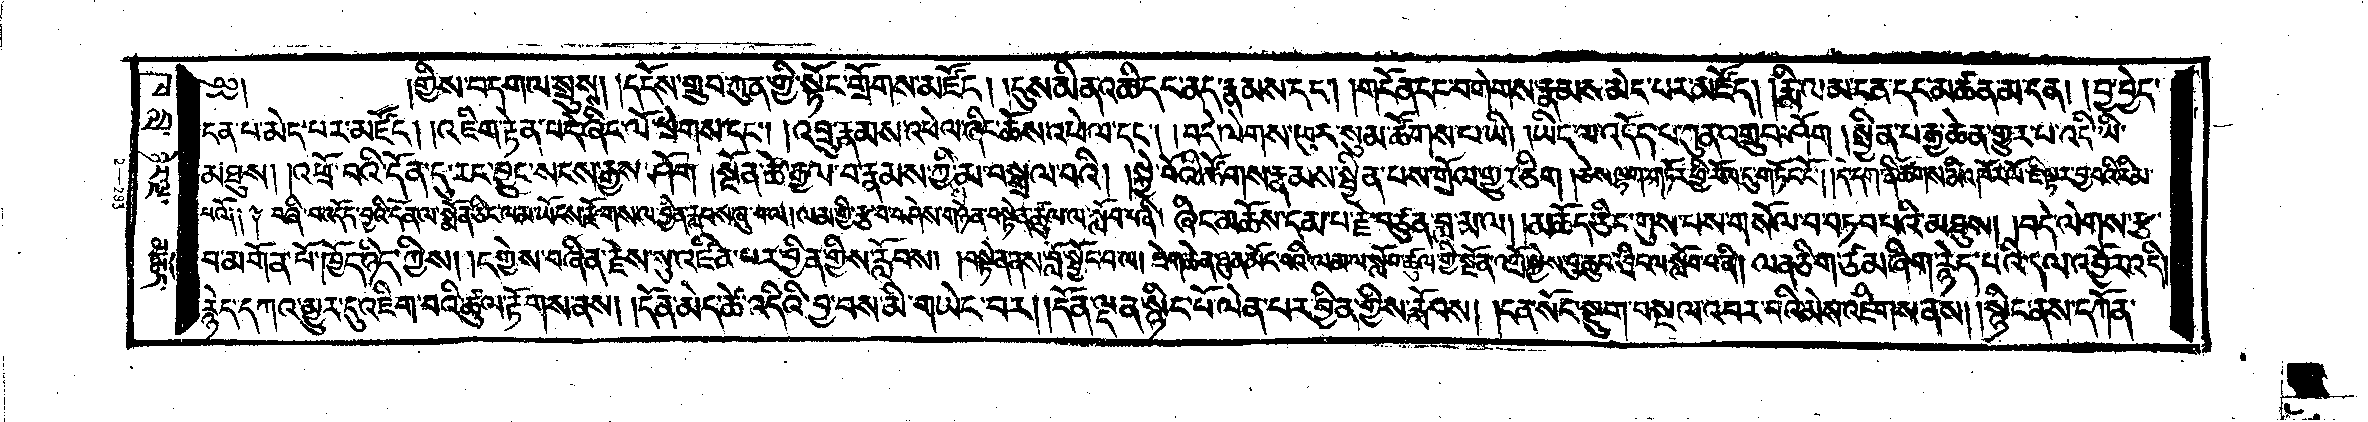༄༅། །གྱིས་བདག་ལ་སྲུ་སས། །དངོས་གྲོ་བ་ཀུན་གྱི་སྟོང་གྲོགས་མཛོད། །དུས་མིན་འཆི་དང་ནད་རྣམས་དང་། །གདོན་དང་བགེགས་རྣམས་མེད་པར་མཛོད། །རྨི་ལམ་ངན་དང་མཚན་མ་ངན། །བྱ་བྱེད་
ངན་པ་མེད་པར་མཛོད། །འཇིག་རྟེན་བདེ་ཞིང་ལོ་ཕྲེགས་དང་། །འབྲུ་རྣམས་འཕེལ་ཞིང་ཆོས་འཕེལ་དང་། །བདེ་ལེགས་ཕུར་སུམ་ཚོགས་པ་ཡི། །ཡིད་ལ་འདོད་པ་ཀུན་འགྲུབ་ཤོག །སྦྱིན་པ་རྒྱ་ཆེན་གྱུར་པ་འདི་ཡི་
མཐུས། །འཕྲོ་བའི་དོན་དུ་རང་བྱུང་སངས་རྒྱས་ཤོག །སྔོན་ཚེ་རྒྱལ་བ་རྣམས་ཀྱི་མ་བསྒྲལ་བའི། །སྐྱེ་བོའི་ཚོགས་རྣམས་སྦྱིན་པས་གྲོལ་གྱུར་ཅིག །ཅེས་ལྷག་གཏོར་ཕྱི་རོལ་ཏུ་གཏོང་ངོ། །དེ་དག་ནི་ཚོགས་མི་འཁོར་ལོ་ཇི་ལྟར་བྱ་བའི་རིམ་
པའོ༑༑ ༈ བཞི་བ་འདོད་བྱའི་དོན་ལ་སྨོན་ཅིང་ལམ་ཡོངས་རྫོགས་ལ་བྱིན་རླབས་ཞུ་བ་ལ། ལམ་གྱི་རྩ་བ་བཤེས་གཉེན་བསྟེན་ཚུལ་ལ་སློབ་བཞི། ཞིང་མཆོས་དམ་པ་རྗེ་བཙུན་བླ་མ་ལ། །མཆོད་ཅིང་གུས་པས་གསོལ་བ་བཏབ་པའི་མཐུས། །བདེ་ལེགས་རྩ་
བ་མགོན་པོ་ཁྱོད་ཉིད་ཀྱིས། །དགྱེས་བཞིན་རྗེས་སུ་འཛིན་པར་བྱིན་གྱིས་རློབས། །བསྟེན་ནས་བློ་སྦྱོང་བ་ལ། བསྲེག་ཆེན་ཐུན་མོང་བའི་ལམ་ལ་སློབ་ཚུལ་གྱི་སྔོན་འགྲོ་སྐྱེས་བུ་ཆུང་འབྲིང་ལ་སློབ་པ་ནི། ལན་ཅིག་ཙམ་ཞིག་རྙེད་པའི་དལ་འབྱོར་འདི།
རྙེད་དཀའ་མྱུར་དུ་འཇིག་པའི་ཚུལ་རྟོགས་ནས། །དོན་མེད་ཚེ་འདིའི་བྱ་བས་མི་གཡེང་བར། །དོན་ལྡན་སྙིང་པོ་ལེན་པར་བྱིན་གྱིས་རློབས། །ངན་སོང་སྡུག་བསྔལ་བར་བའི་མེས་འཇིགས་ནས། །སྙིང་ནས་དཀོན་